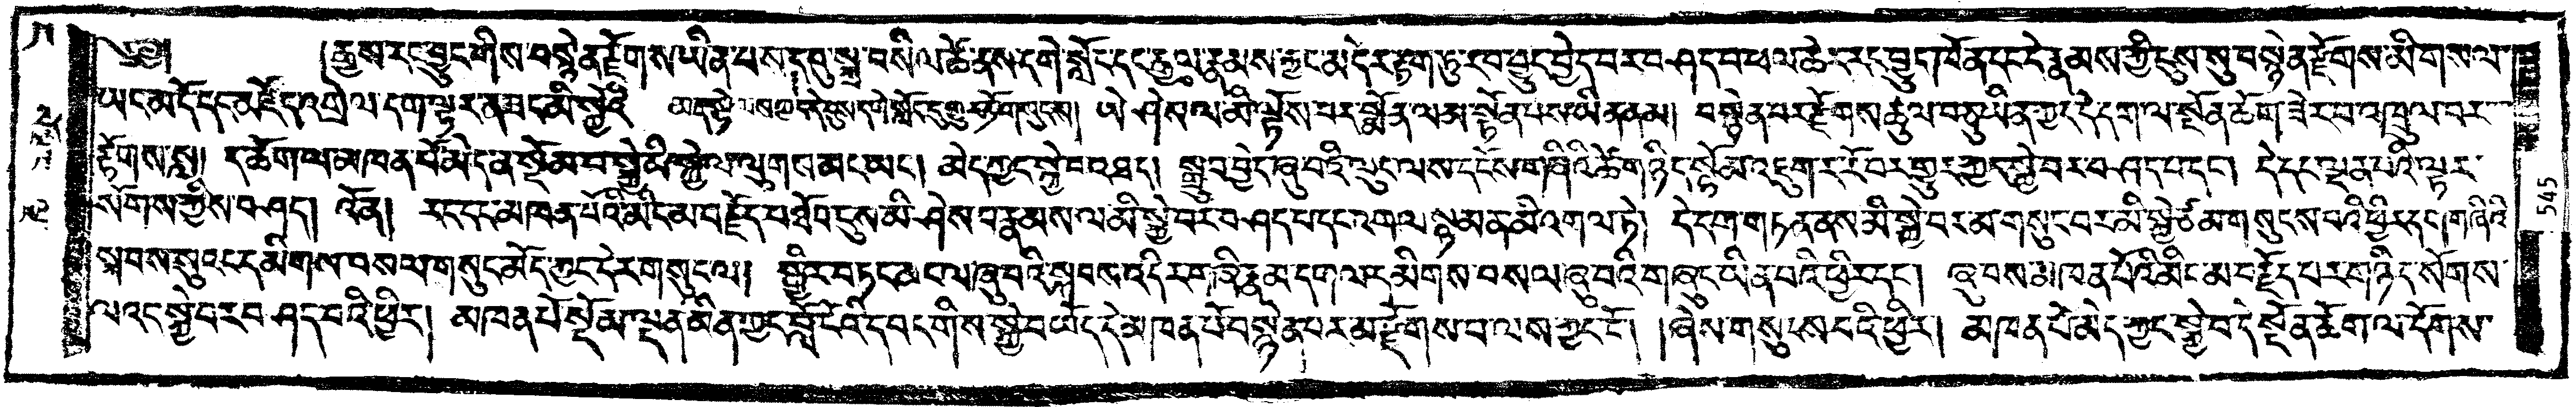༄༅། །རྒྱས་རང་བྱུང་གིས་བསྙེན་རྫོགས་ཡིན་བས་དབུ་སྐྲ་བསིལ་ཚོ་ནས་དགེ་སློང་དང་རྒྱལ་རྣམས་ཀྱང་མདེར་རྟག་ཏུ་རབ་བྱུང་བྱེད་བར་བཤད་པ་ཕལ་ཆེར་རང་བྱུང་ཁོ་ན་དང་དེ་རྣམས་ཀྱི་དུས་སུ་བསྙེན་རྫོགས་མི་གསལ་
ཡང་མདོ་དང་མཛོད་འགྲེལ་དག་ལྟར་ན་ཟང་མི་སྐྱེའི་མན་སྙེ་ལས་ཀྱང་དེ་དུས་དགེ་སློང་དུ་གྱུར་ཏོ་གསུངས། ཡེ་ཤེས་ལ་མི་ལྟོས་པར་སྨོན་ལམ་སྟོན་པས་ཡིན་ནམ། བསྙེན་པར་རྫོགས་ཚུལ་བཅུ་ཡིན་ཀྱང་དེ་དག་ལ་སྔོན་ཆོག་ཟེར་བ་འཁྲུལ་བར་
རྟོགས་སླ། ད་ཆོག་ལ་མཁན་པོ་མེད་ན་སྔོམ་པ་སྐྱེ་མི་སྐྱེ་ལ་ལུགས་མང་ཡང་། མེད་ཀྱང་སྐྱེ་བ་འཐད། སྒྲུབ་བྱེད་ཞུ་བའི་ལུང་ལས་དངོས་གཞིའི་ཚེ་གཉིད་སྙོམ་འཇུག་ར་རོ་བར་གྱུར་ཀྱང་སྐྱེ་བར་བཤད་པ་དང་། དེ་དང་ལྡན་པའི་ལྟར་
སོགས་ཀྱིས་བཤད། འོ་ན། རང་དང་མཁན་པོའི་མིང་མ་བརྗོད་པ་ཐོབ་དུས་མི་ཤེས་བ་རྣམས་ལ་མི་སྐྱེ་བར་བཤད་བ་དང་འགལ་སྙམ་ན་མི་འགལ་ཏེ། དེ་དག་གཏན་ནས་མི་སྐྱེ་བར་མ་གསུངས་བར་མི་སྐྱེ་ཙམ་གསུངས་པའི་ཕྱིར་དང་། གཞིའི་
སྐབས་སུའང་དམིགས་བསལ་གསུང་མོད་ཀྱང་དེར་གསུང་ལ། སྤྱིར་བཏང་མང་ལ་ཞུ་བའི་སྐབས་འདིར་གཞི་རྣམ་དག་ལ་དམིགས་བསལ་ཞུ་བའི་གཞུང་ཡིན་པའི་ཕྱིར་དང་། ཞུ་བས་མཁན་པོའི་མིང་མ་བརྗོད་པར་གཉིད་སོགས་
ལའང་སྐྱེ་བར་བཤད་པའི་ཕྱིར། མཁན་པོ་སྔོམ་ལྡན་མིན་ཀྱང་བློ་ངོའི་དབང་གིས་སྐྱེ་བ་ཡོད་དེ་མཁན་པོ་བསྙེན་པར་མ་རྫོགས་པ་ལས་ཀྱང་ངོ། །ཞེས་གསུངས་པའི་ཕྱིར། མཁན་པོ་མེད་ཀྱང་སྐྱེ་བ་དེ་སྔོན་ཆོག་ལ་དོགས་